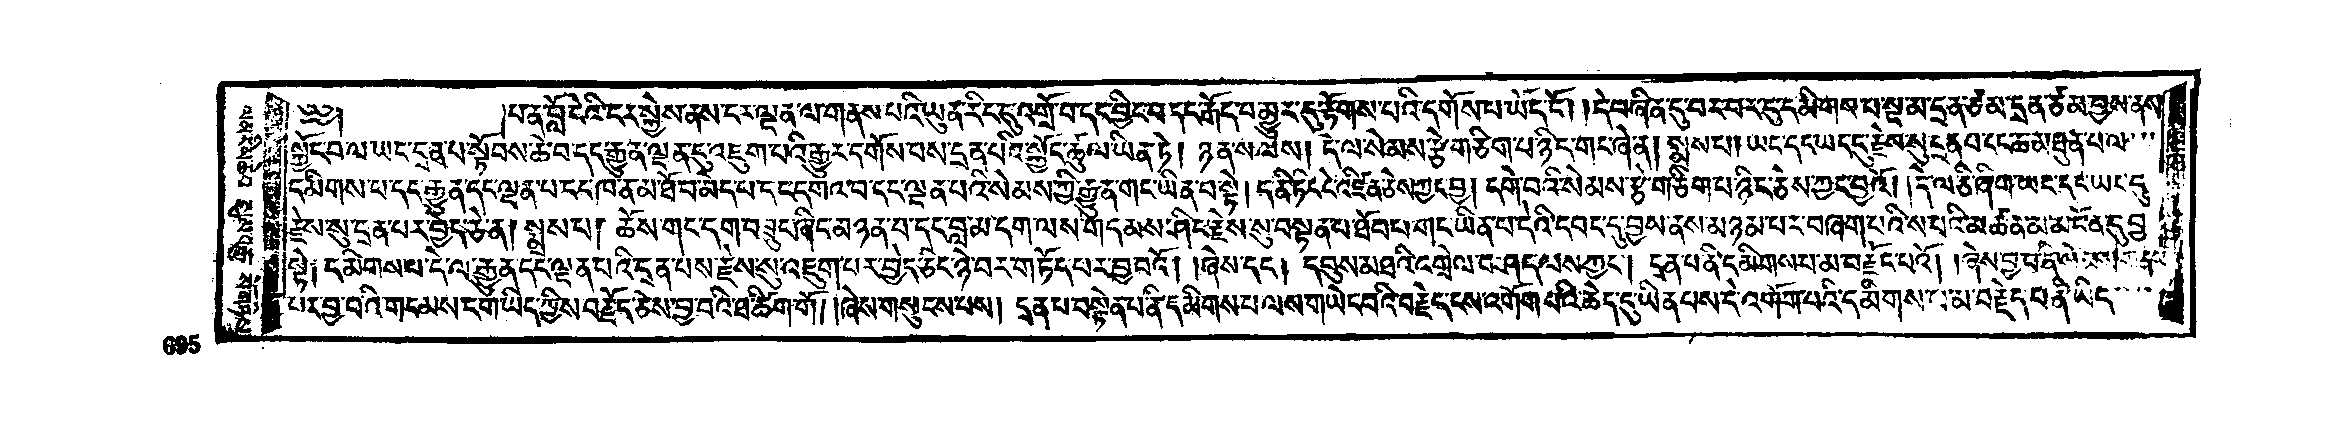༄༅། །པ་ན་བློ་དེའི་ངར་སྐྱེས་ནས་ངར་ལྡན་ལ་གནས་པའི་ཡུན་རིང་དུ་འགྲོ་བ་དང་བྱིང་བ་དང་རྒོད་པ་མྱུར་དུ་རྟོགས་པའི་དགོས་པ་ཡོད་དོ། །དེ་བཞིན་དུ་བར་བར་དུ་དམིགས་པ་སྔ་མ་དྲན་ཙམ་དྲན་ཙམ་བྱས་ནས་
སྐྱོང་བ་ལ་ཡང་དྲན་པ་སྟོབས་ཆེ་བ་དང་རྒྱུན་ལྡན་དུ་འཇུག་པའི་རྒྱུར་དགོས་པས་དྲན་པའི་སྐྱོང་ཚུལ་ཡིན་ཏེ། ཉན་ས་ལས། དེ་ལ་སེམས་རྩེ་གཅིག་པ་ཉིད་གང་ཞེ་ན། སྨྲས་པ། ཡང་དང་ཡང་དུ་རྗེས་སུ་དྲན་པ་དང་ཆ་མཐུན་པ་ལ་
དམིགས་པ་དང་རྒྱུན་དང་ལྡན་པ་དང་ཁ་ན་མ་ཐོ་བ་མེད་པ་དང་དགའ་བ་དང་ལྡན་པའི་སེམས་ཀྱི་རྒྱུན་གང་ཡིན་པ་སྟེ། དེ་ནི་ཏིང་ངེ་འཛིན་ཅེས་ཀྱང་བྱ། དགེ་བའི་སེམས་རྩེ་གཅིག་པ་ཉིད་ཅེས་ཀྱང་བྱའོ། །དེ་ལ་ཅི་ཞིག་ཡང་དང་ཡང་དུ་
རྗེས་སུ་དྲན་པར་བྱེད་ཅེ་ན། སྨྲས་པ། ཆོས་གང་དག་བཟུང་ཞིང་མཉན་པ་དང་བླ་མ་དག་ལས་གདམས་ཤིང་རྗེས་སུ་བསྟན་པ་ཐོབ་པ་གང་ཡིན་པ་དེའི་དབང་དུ་བྱས་ནས་མཉམ་པར་བཞག་པའི་ས་པའི་མཚན་མ་མངོན་དུ་བྱ་
སྟེ༑ དམིགས་པ་དེ་ལ་རྒྱུན་དང་ལྡན་པའི་དྲན་པས་རྗེས་སུ་འཇུག་པར་བྱེད་ཅིང་ཉེ་བར་གཏོད་པར་བྱ་བའོ། །ཞེས་དང་། དབུས་མཐའི་འགྲེལ་བཤད་ལས་ཀྱང་། དྲན་པ་ནི་དམིགས་པ་མ་བརྗེད་པའོ། །ཞེས་བྱ་བ་ནི་སེམས་གནས་
པར་བྱ་བའི་གདམས་ངག་ཡིད་ཀྱིས་བརྗོད་ཅེས་བྱ་བའི་ཐ་ཚིག་གོ། །ཞེས་གསུངས་པས། དྲན་པ་བསྟེན་པ་ནི་དམིགས་པ་ལས་གཡེང་བའི་བརྗེད་ངས་འགོག་པའི་ཆེད་དུ་ཡིན་པས་དེ་འགོག་པའི་དམིགས་པ་མ་བརྗེད་པ་ནི་ཡིད་